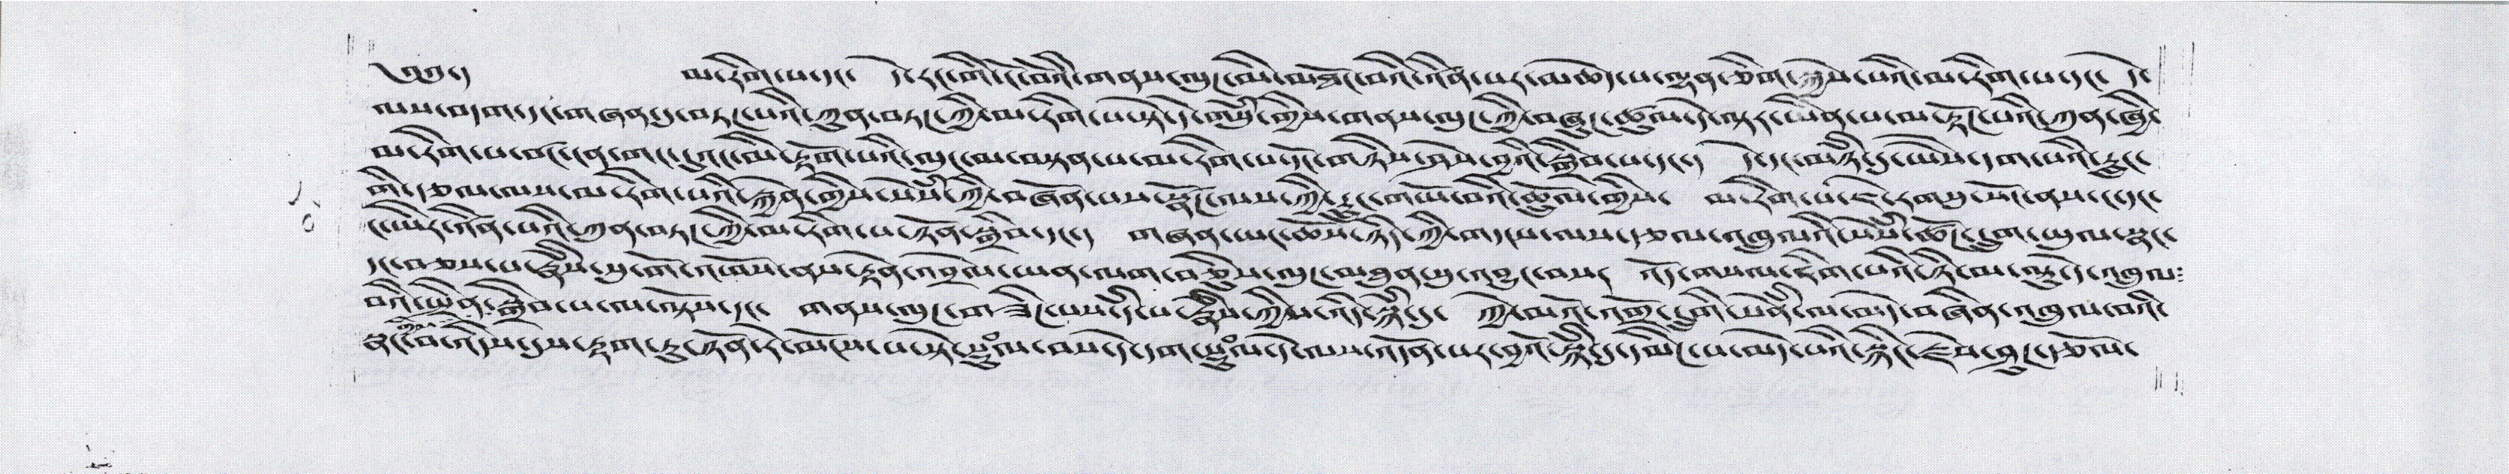མ་རིག་པ་དང་། དེ་རང་གི་ངོ་བོའི་གནས་ལུགས་མི་མཐོང་བའི་འཛིན་པར་མཆེད་པ་ལྷན་ཅིག་སྐྱེས་པའི་མ་རིག་པ་དང་། དེ་
ལས་བདག་དང་གཞན་དུ་བཏགས་པའི་ཀུན་བཏགས་ཀྱི་མ་རིག་པ་སྟེ་དེ་གསུམ་གྱིས་གནས་ལུགས་ཀྱི་བཞུགས་ཚུལ་དེ་ལྟར་ཡིན་པ་མ་རྟོགས་པའི་ཀུན་གཞི་
མ་རིག་པ་བཟང་ངན་གང་དུའང་མི་རྟོག་པའི་ལུང་མ་བསྟན་པ་མ་རིག་པ་དང་པོ་གཉིས་ཤེས་བྱའི་སྒྲིབ་པ་དང་། དེ་དང་མཉམ་དུ་ཡེ་ཤེས་དག་པའི་རླུང་
གི་རྩལ་ལས་མ་རིག་པའི་རྐྱེན་གྱིས་སེམས་ཀྱི་བཞོན་པས་སྣ་ཚོིགས་ལས་ཀྱི་རླུང་གཡོ་བའི་ཚུལ་གྱིས། མ་རིག་པ་ཇེ་རགས་སུ་སོང་ནས་ང་དང་
ང་ཡིར་འཛིན་པའི་ཀུན་བཏགས་ཀྱི་མ་རིག་པ་ཉོན་སྒྲིབ་དང་། གཞན་ཡང་ཆོས་ཉིད་ཀྱི་གདངས་ལས་རྩལ་འཁྲུལ་པའི་སེམས་ཚོགས་དྲུག་ཡུལ་སྣང་
དང་བཅས་པ་རྣམས་སུ་གོ་འཕོས་ནས་རྟེན་འབྲེལ་ཡན་ལག་བཅུ་གཉིས་ལུགས་མཐུན་སུ་འབྱུང་བས། འོད་གསལ་རིག་པའི་ཉི་མ་ལྟ་བུ་དེ་འཁྲུལ་
པའི་སྤྲིན་གྱིས་བསྒྲིབས་པ་ལ་ལྟོས་དང་། གནས་ལུགས་གཟིགས་པས་དམ་པ་རྣམས་ལ་འདི་སྙམ་དུ། ཀྱེ་མའོ་འགྲོ་དྲུག་གི་སེམས་ཅན་ལ་མེད་བཞིན་འཁྲུལ་པའི་
སྣང་བ་འདིས་དུས་རྟག་ཏུ་ཉོན་མོངས་པ་སྟེ་སྡུག་བསྔལ་བས་དེ་དག་སྡུག་བསྔལ་དེ་ལས་འདོན་པར་བྱའོ་སྙམ་དུ་དམིགས་པ་མེད་པའི་སྙིང་རྗེས་ཤུགས་རྩོལ་